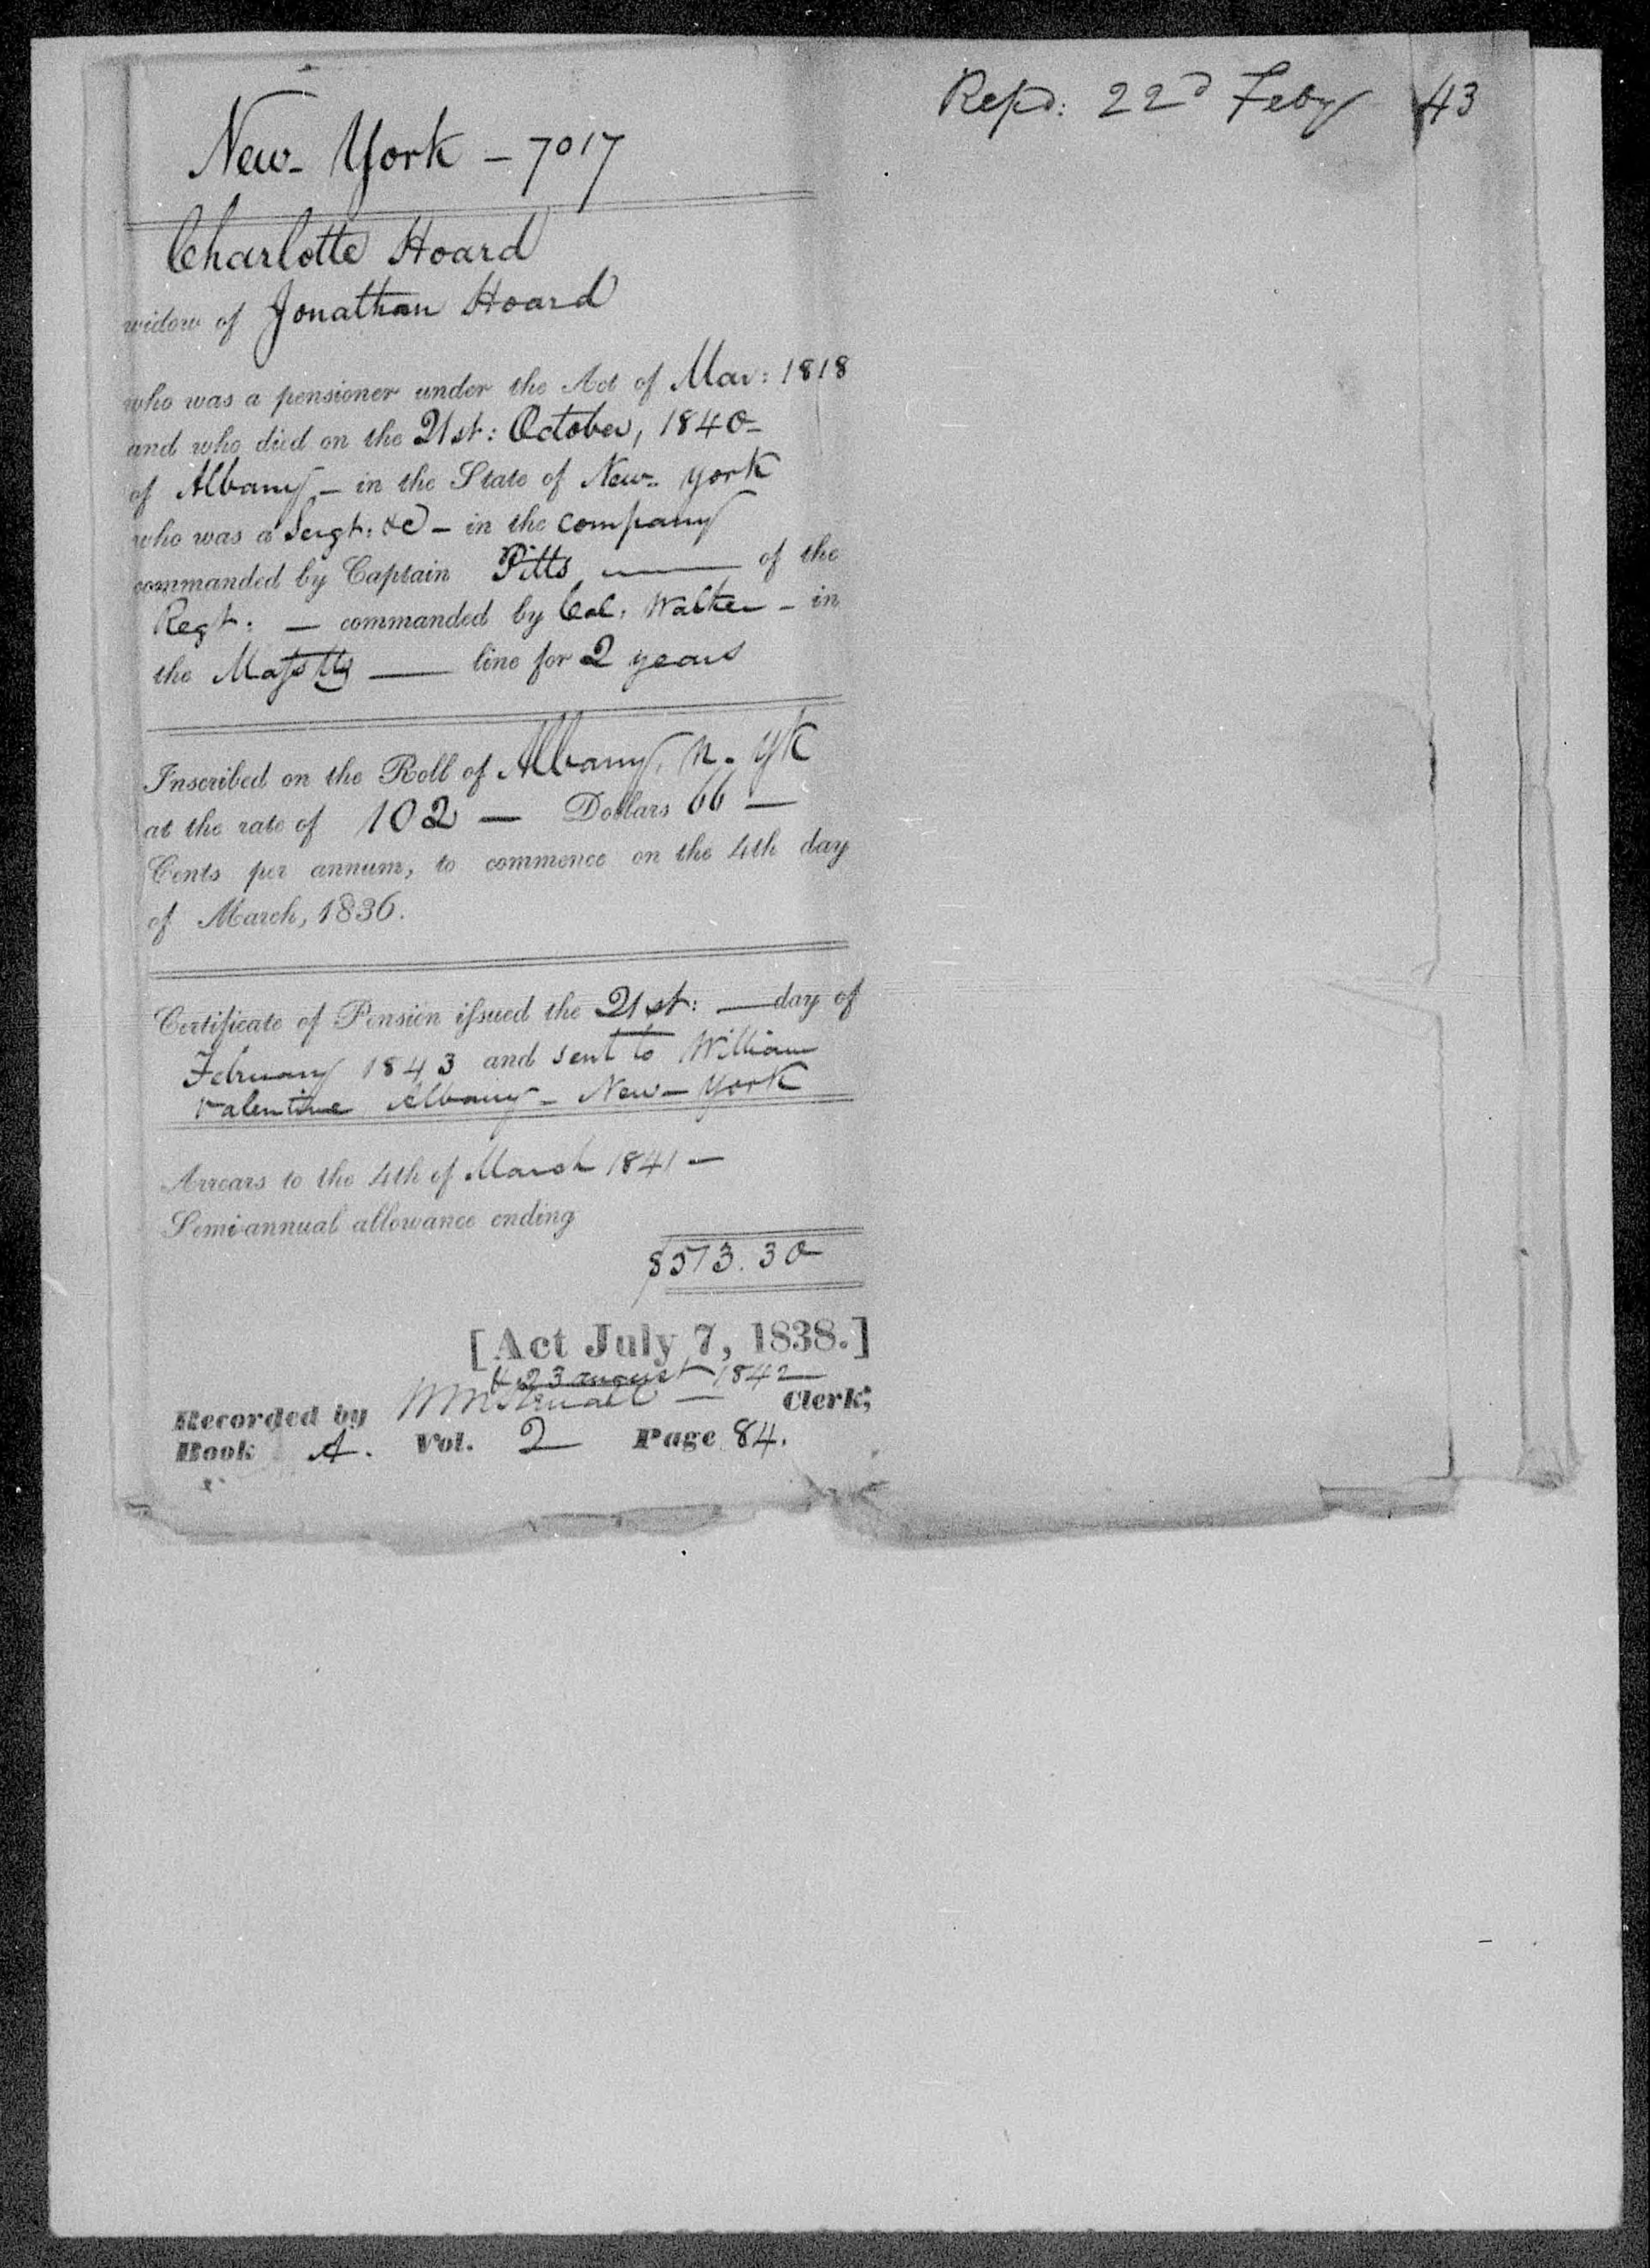New. York - 7017
________________________
Charlotte Hoard
widow of Jonathan Hoard
who was a pensioner under the Act of Mar. 1818
and who died on the 21st: October, 1840-
of Albany-- in the State of New York
who was a Sergt. &c-- in the company
commanded by Captain Pitts of the
Regt. - commanded by Col. Walker in
the Masstts-- line for 2 years
____________________________________
Inscribed on the Roll of Albany, N.Yk
at the rate of 102 -- Dollars 66--
Cents per annum, to commence on the 4th day
of March, 1836.
_________________________________________
Certificate of Pension issued the 21st. day of
February 1843 and sent to William
Valentine Albany - New York
_________________________________________
Arrears to the 4th of March 1841-
Semiannual allowance ending
$513.30
[Act July 7, 1838.]
& 23 August 1842
Recorded by Wm Stewart -Clerk;
Book A. Vol. 2 Page 84.
[the following is at the top right-hand side of page]
Repd. 22d Feby 43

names: Charlotte Hoard, Pitts, Walker, Wm Stewart, Jonathan Hoard, William Valentine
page: 22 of 52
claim: widow's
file: W 19755, Jonathan Hoard, Mass.